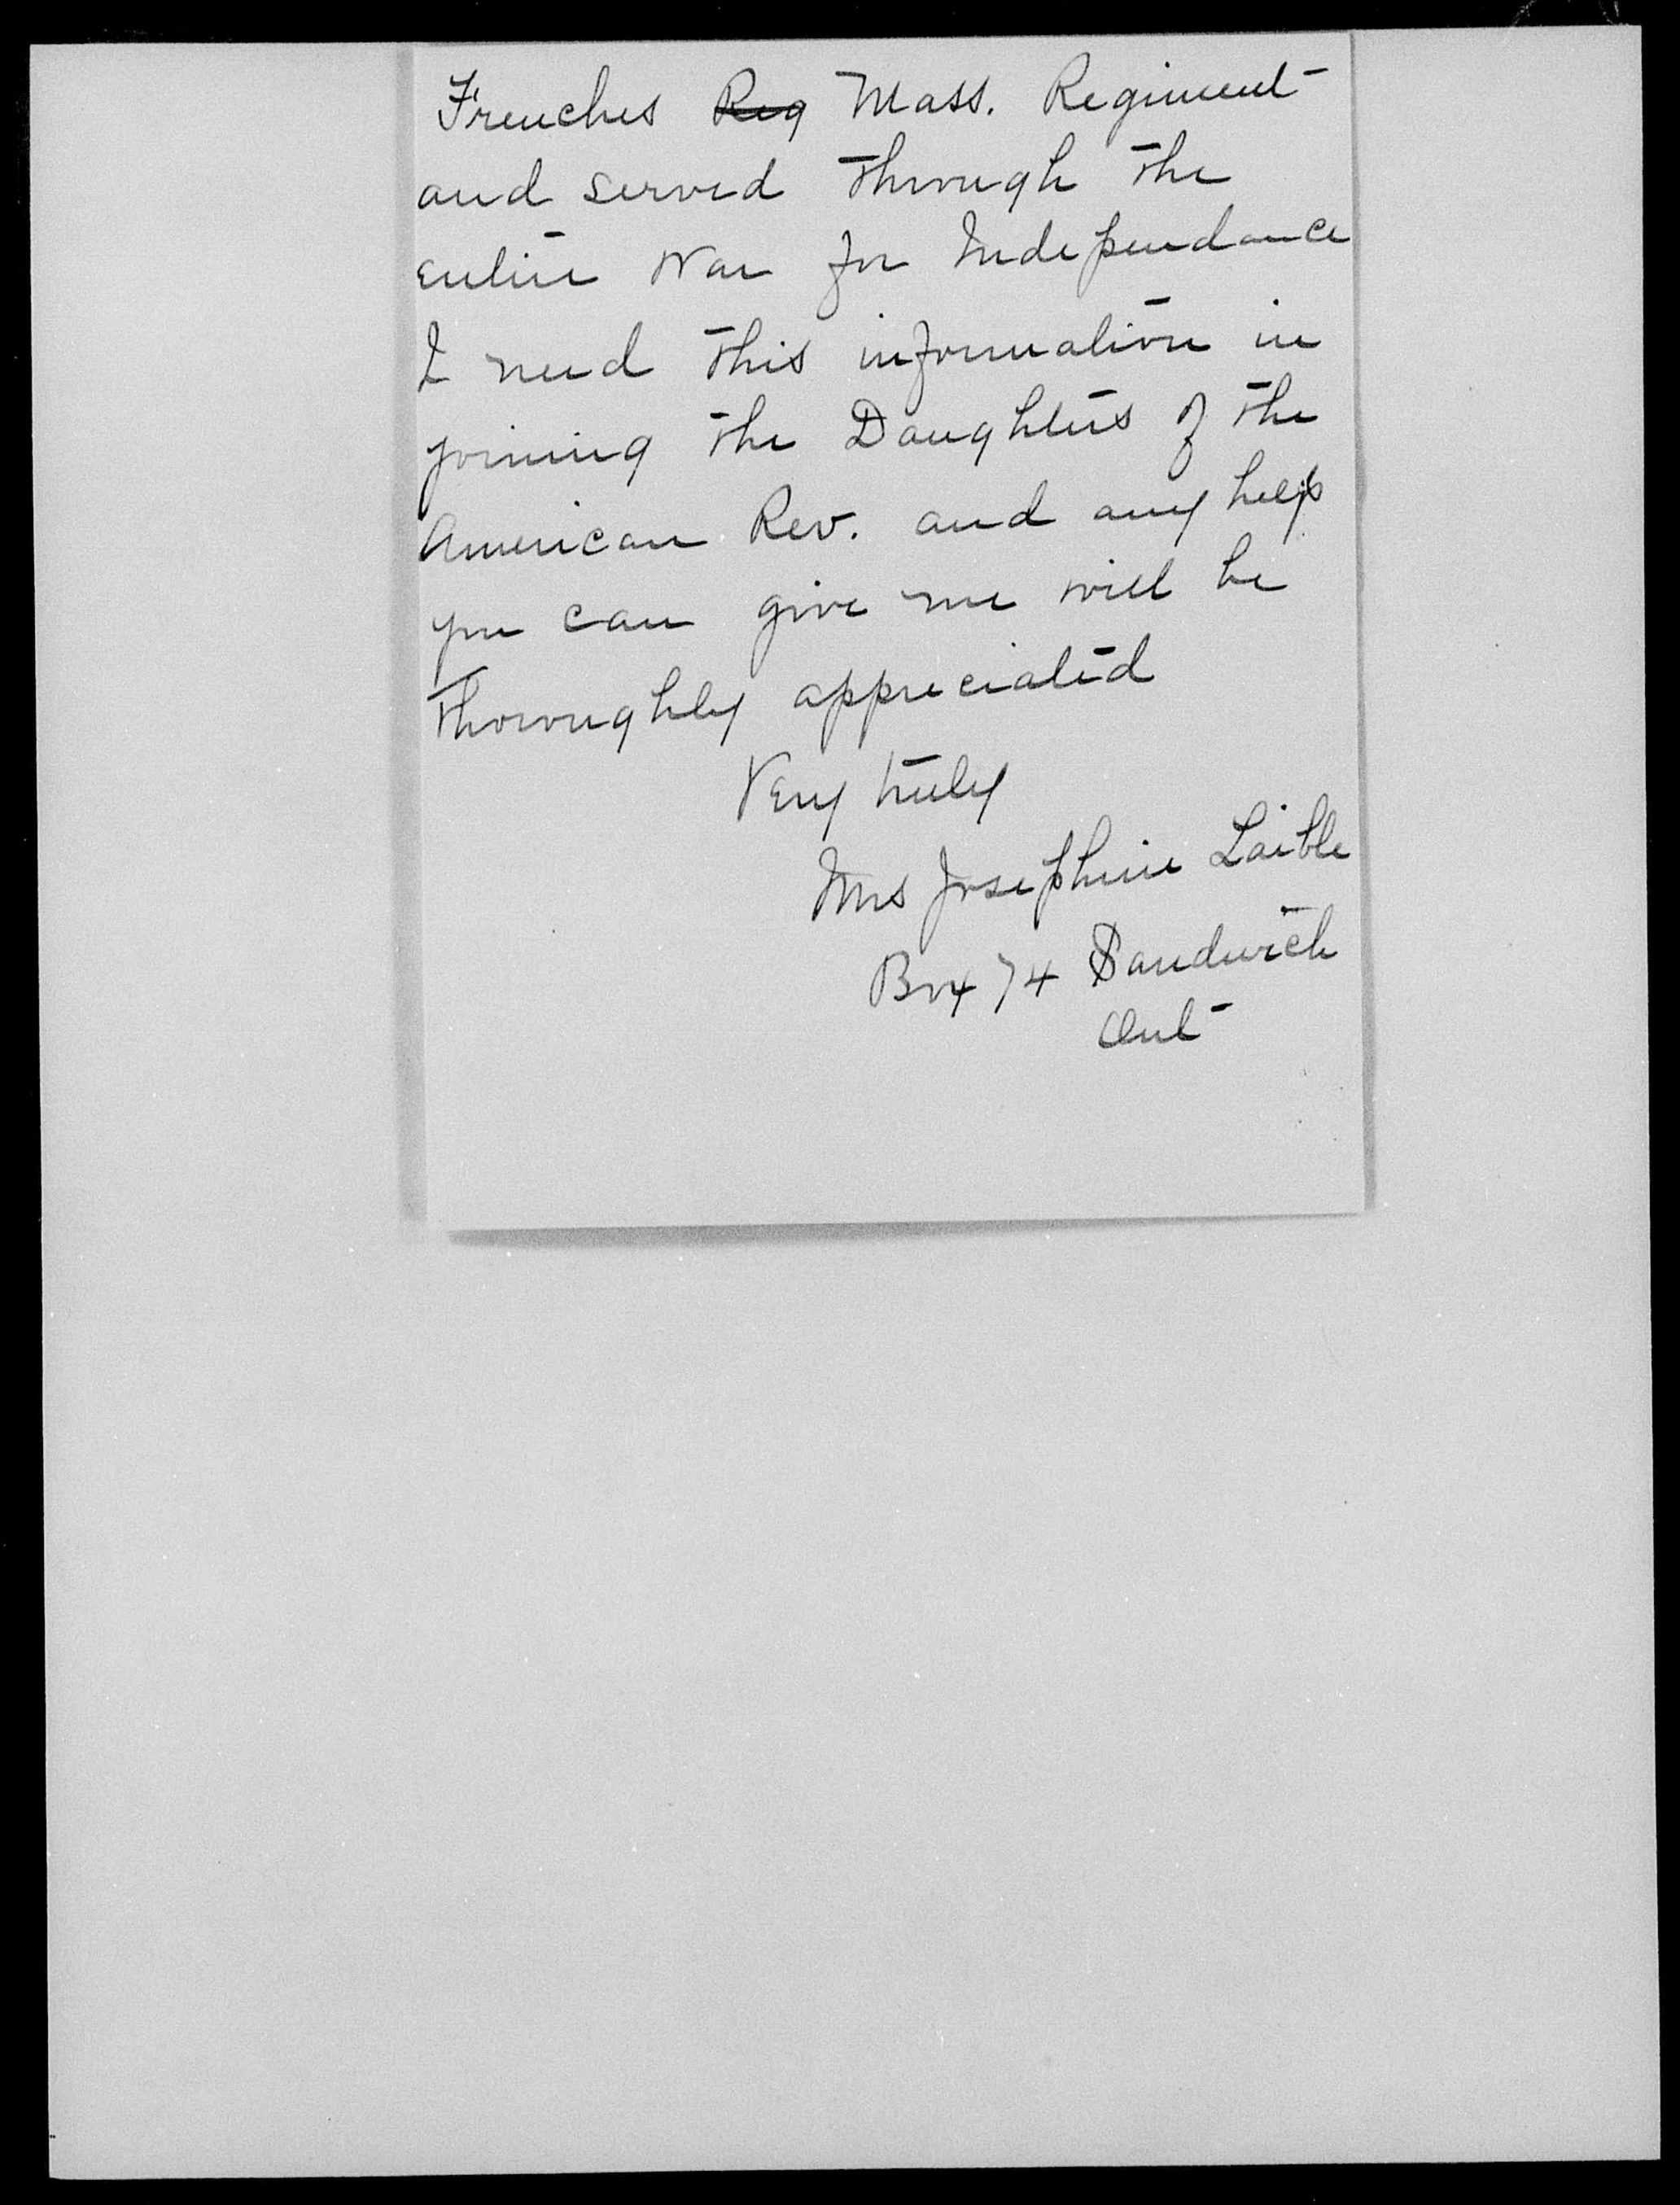Frenches [crossed out: Reg] Mass. Regiment and served through the earlier War for Independance I need this information in joining the Daughters of the American Rev. and any help you can give me will be thoroughly appreciated
Very truly
Mrs Josephine Laible
Box 74 Sandwich Ont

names: Josephine Laible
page: 34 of 49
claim: widow's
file: W. 2164, for George Porter, Massachusetts